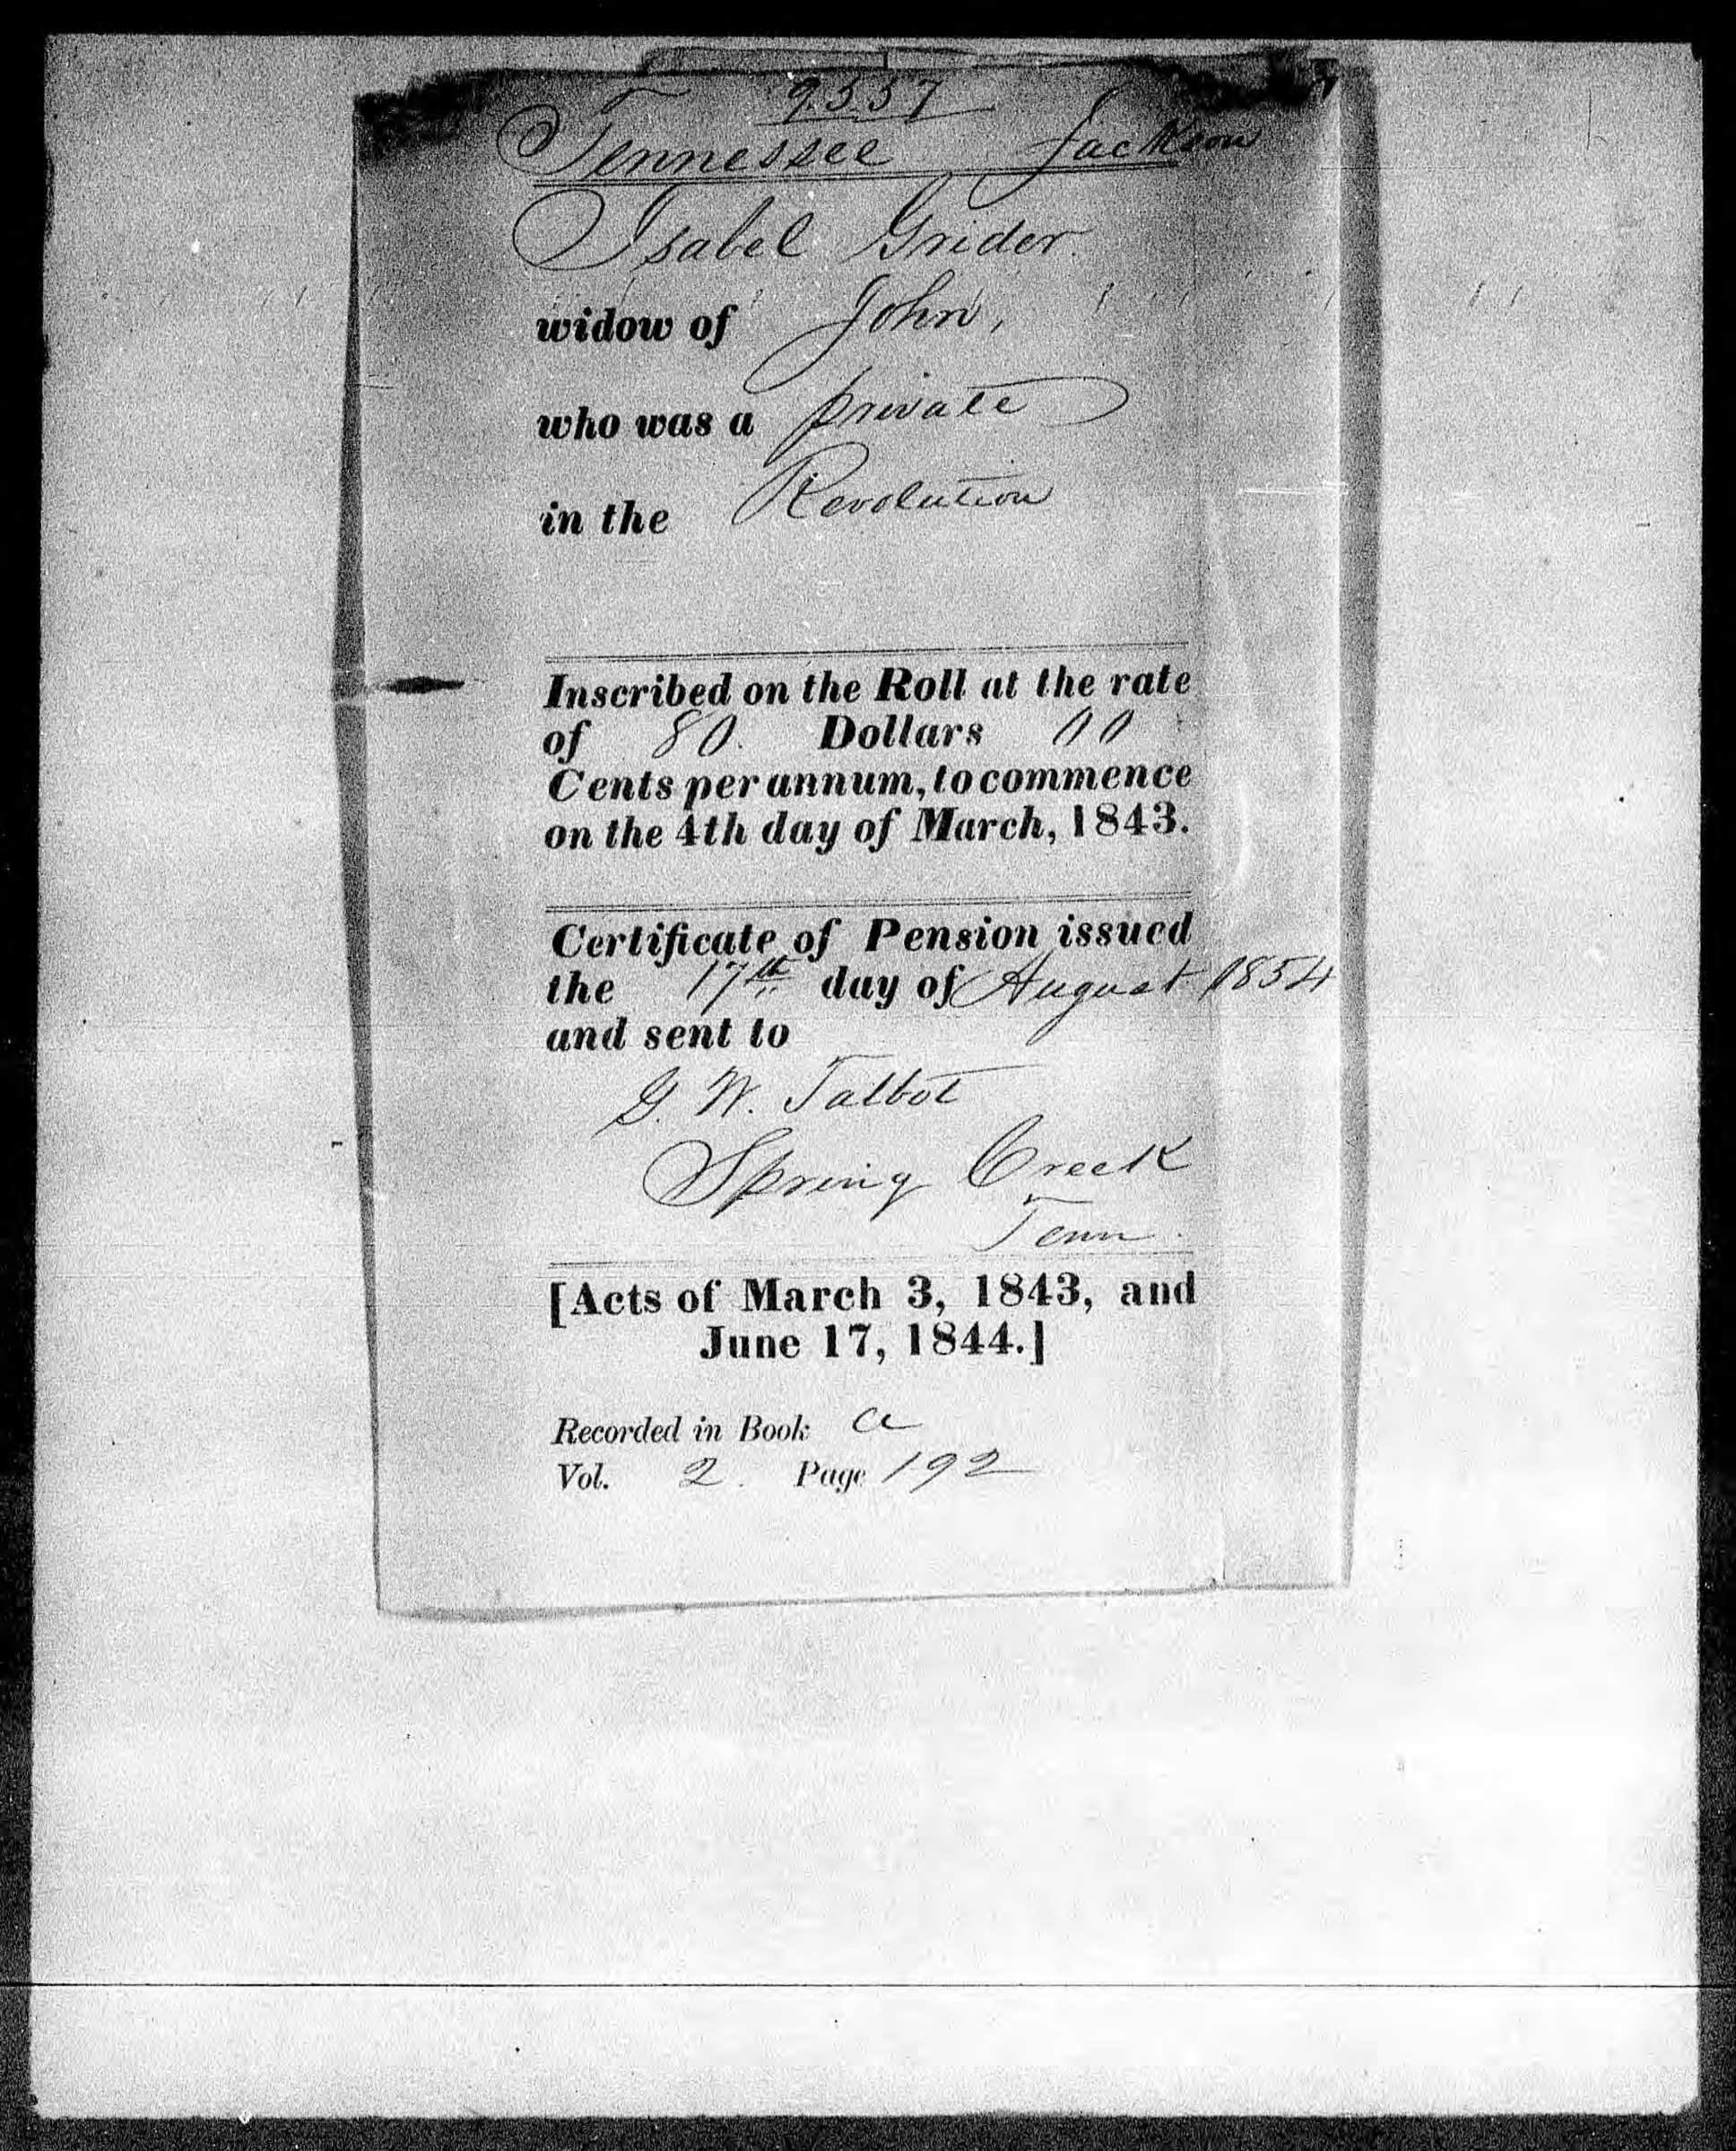9537
Tennessee   Jackson

Isabel Grider
widow of John
who was a private
in the Revolution

Inscribed on the Roll at the rate of 
80 Dollars 00
cents per annum, to commence
on the 4th day of March, 1843.

Certificate of Pension issued
the 17th day of August 1854
and sent to 
G.W. Talbot
Spring Creek
Tenn.

[Acts of March 3, 1843 and 
June 17, 1844]

Recorded in Book a
Vol. 2  Page 192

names: John Grider, Isabel Grider, G W Talbot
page: 33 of 91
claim: widow's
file: W 358, John Grider, N.C.